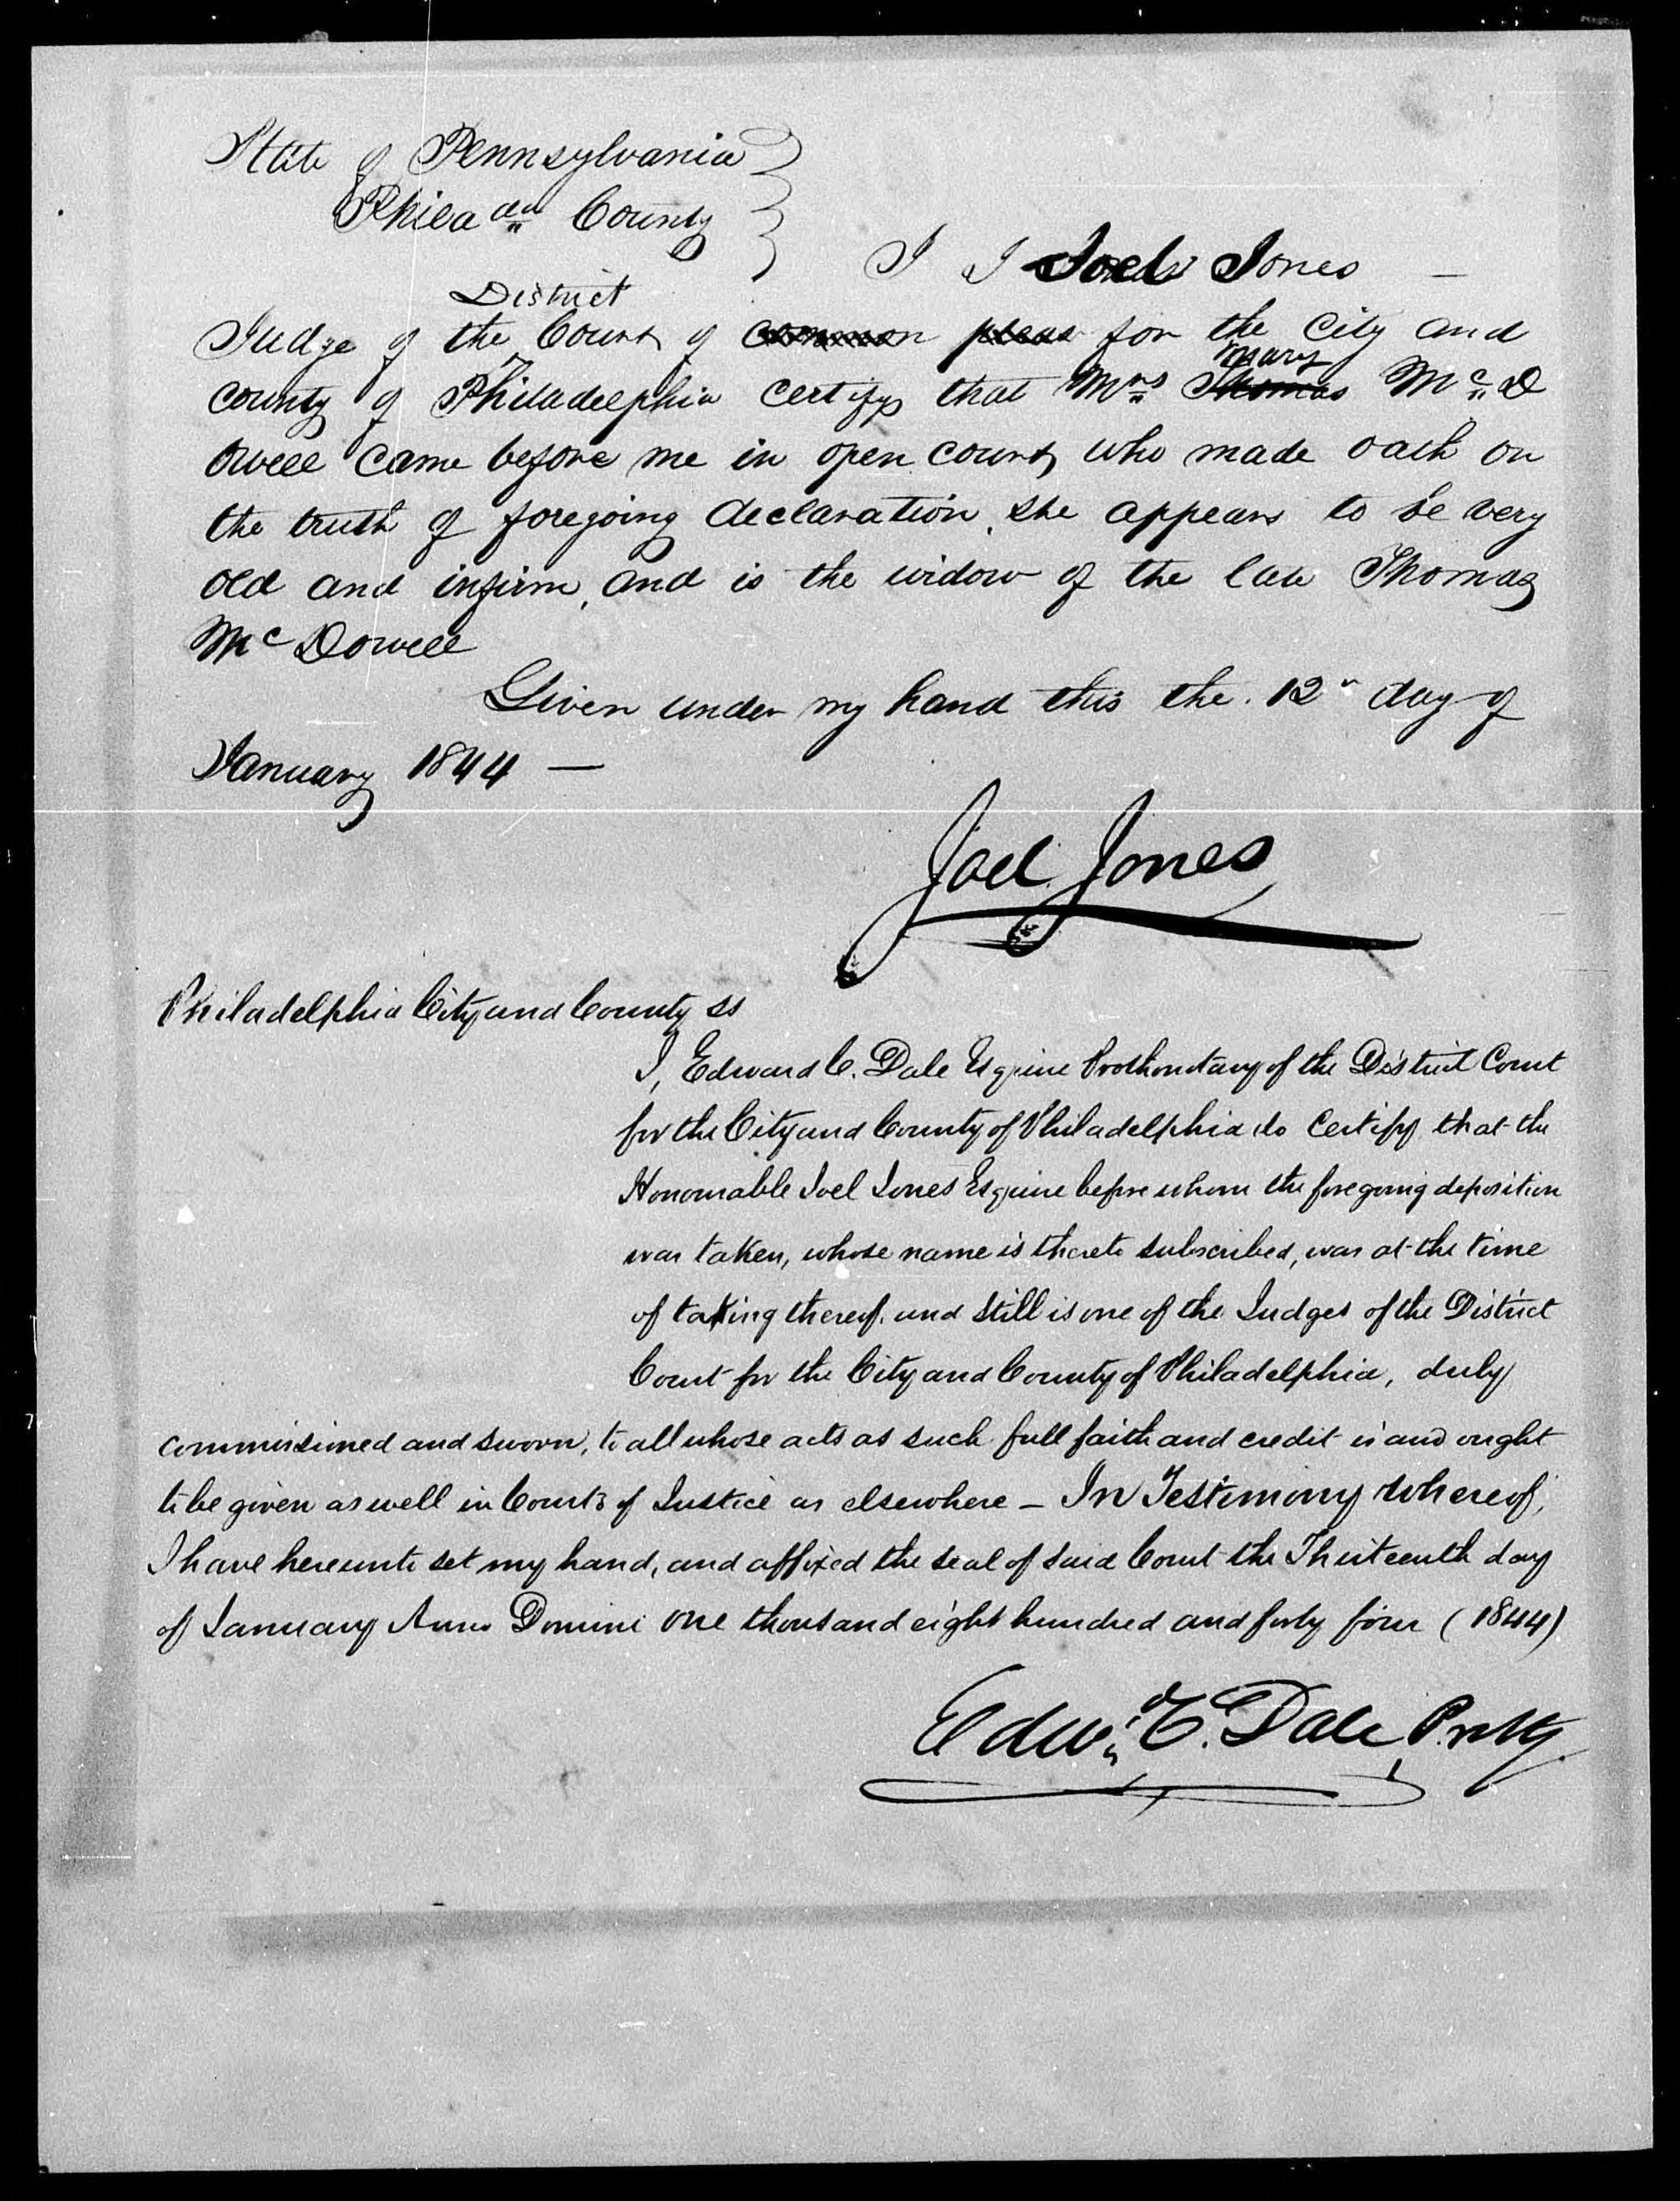State of Pennsylvania   )
    Philada County         )   Ss
I Joel Jones - Judge of the District Court for the City and county of Philadelphia certifys that Mrs. Mary McDowell came before me in open court who made oath on the truth of foregoing declaration.  She appears to be very old and infirm and is the widow of the late Thomas MdDowell
     Given under my hand this the 12h day of January 1844 -
            Joel Jones

[seal affixed]
Philadelphia City and County ss

I, Edward C. Dale Esquire Prothonotary of the District Court for the City and County of Philadephia to certify that the Honorable Joel Jones Esquire before whom the foregoing deposition was taken, whose name is thereto subscribed, was at the time of taking thereof, and Still is one of the Judges of the District Court for the City and County of Philadelphia, duly commissioned and sworn, to all whose acts as such full faith and credit is and ought to be given as well in Courts of Justice as elsewhere - In Testimony Whereof;
I have hereunto set my hand, and affixed the seal of said Court the Thirteenth day of January Anno Domini one thousand eight hundred and forty four (1844)
    Edwd. C. Dale Prthy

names: Joel Jones; Thomas Mc Dowell; Mary Mc Dowell; Edward C Dale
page: 55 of 63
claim: widow's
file: W 2957, for Thomas Mc Dowell, Maryland